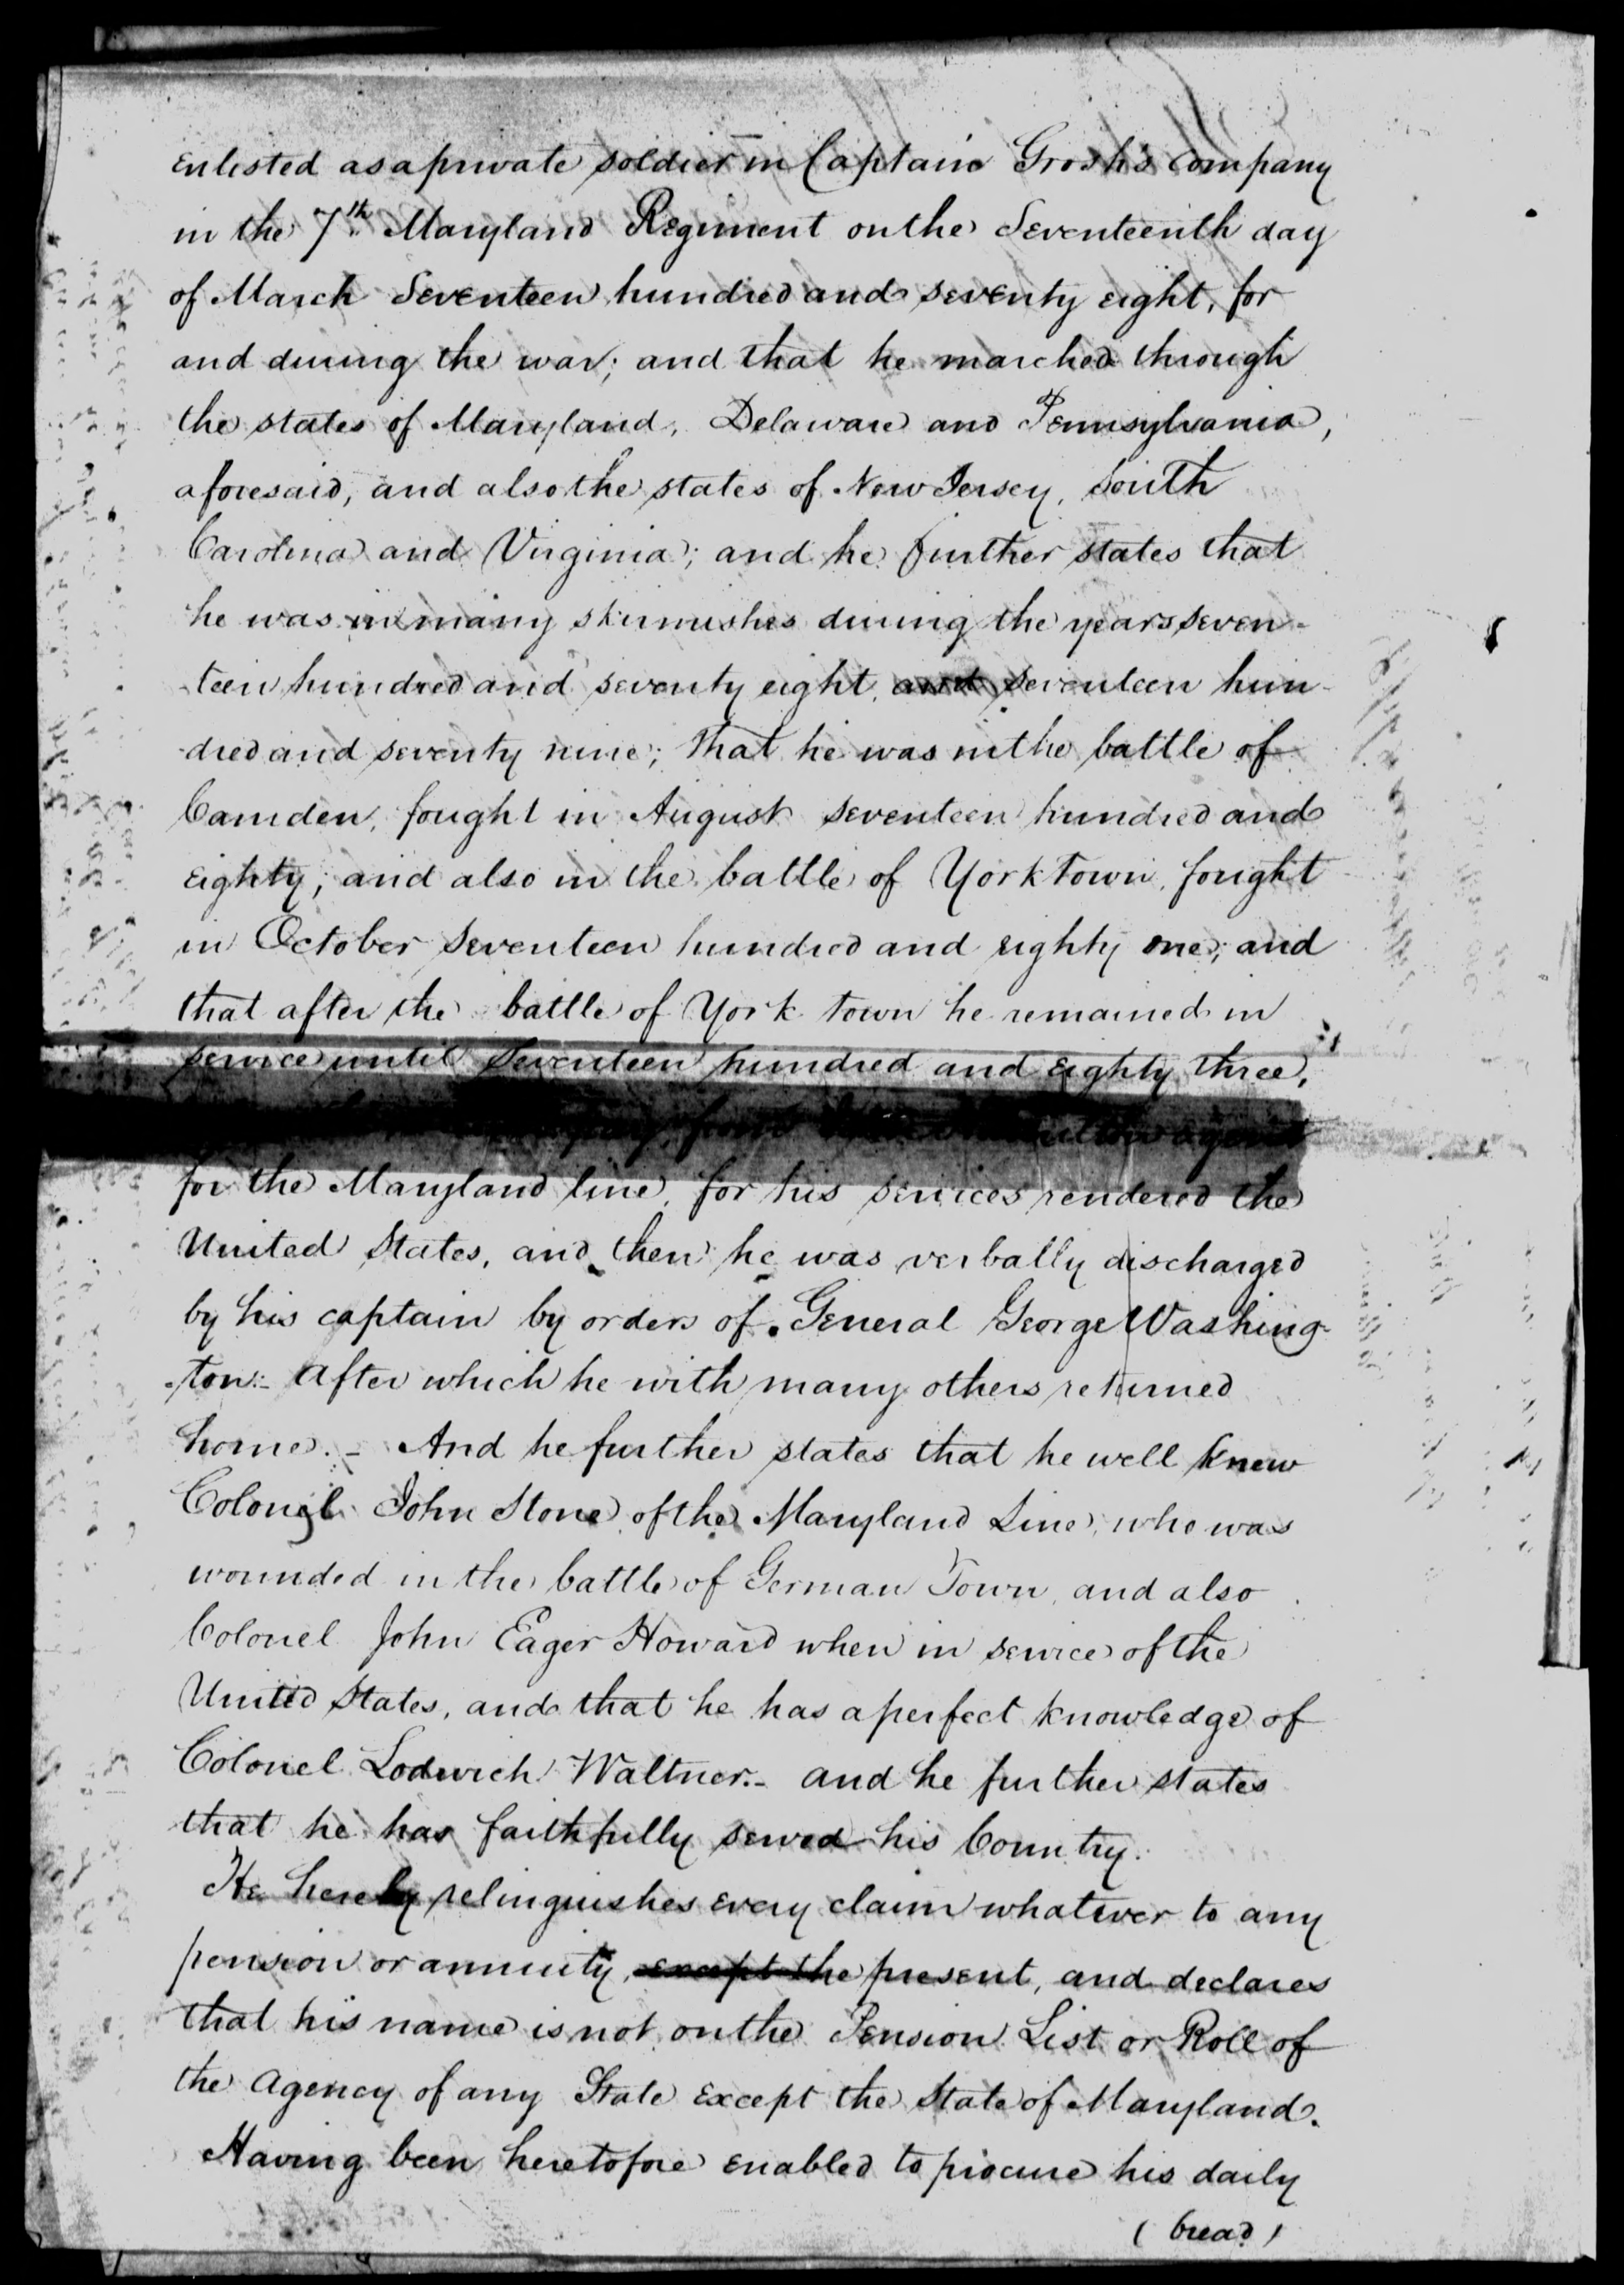Enlisted as a private soldier in Captain Grosh's company in the 7th Maryland Regiment on the Seventeenth day of March Seventeen hundred and seventy eight, for and during the war; and that he marched through the states of Maryland, Delaware and Pennsylvania, aforesaid , and also the states of New Jersey, South Carolina and Virginia; and he further states that he was in many skirmishes during the years seventeen hundred and seventy eight seventeen hundred and seventy nine; that he was in the battle of Camden, fought in August Seventeen hundred and eighty; and also in the battle of York Town fought in October Seventeen hundred and eighty one; and that after the battle of York Town he remained in service until Seventeen hundred and Eighty three.
[Illegiable] 
For the Maryland line, for his services rendered the United States, and then he was verbally discharged by his captain by orders of General George Washington. After which he with many others returned home. And he further states that he well knew Colonel John Stone of the Maryland line, who was wounded in the battle of German Town and also Colonel John Eager Howard when in service of the United States, and that he has a perfect knowledge of Colonel Lodwich Waltner and he further states that he has faithfully served his Country. 
He Hereby relinquishes every claim whatever to any person or [?] [illegible] present, and declares that his name is not on the Pension List or Roll of the Agency of any State except the State of Maryland. Having been heretofore enabled to procure his daily (bread)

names: Lodwich Waltner, John Stone, George Washington, John Eager Howard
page: 4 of 43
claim: survivor's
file: S. 15240, Thomas White, Md.